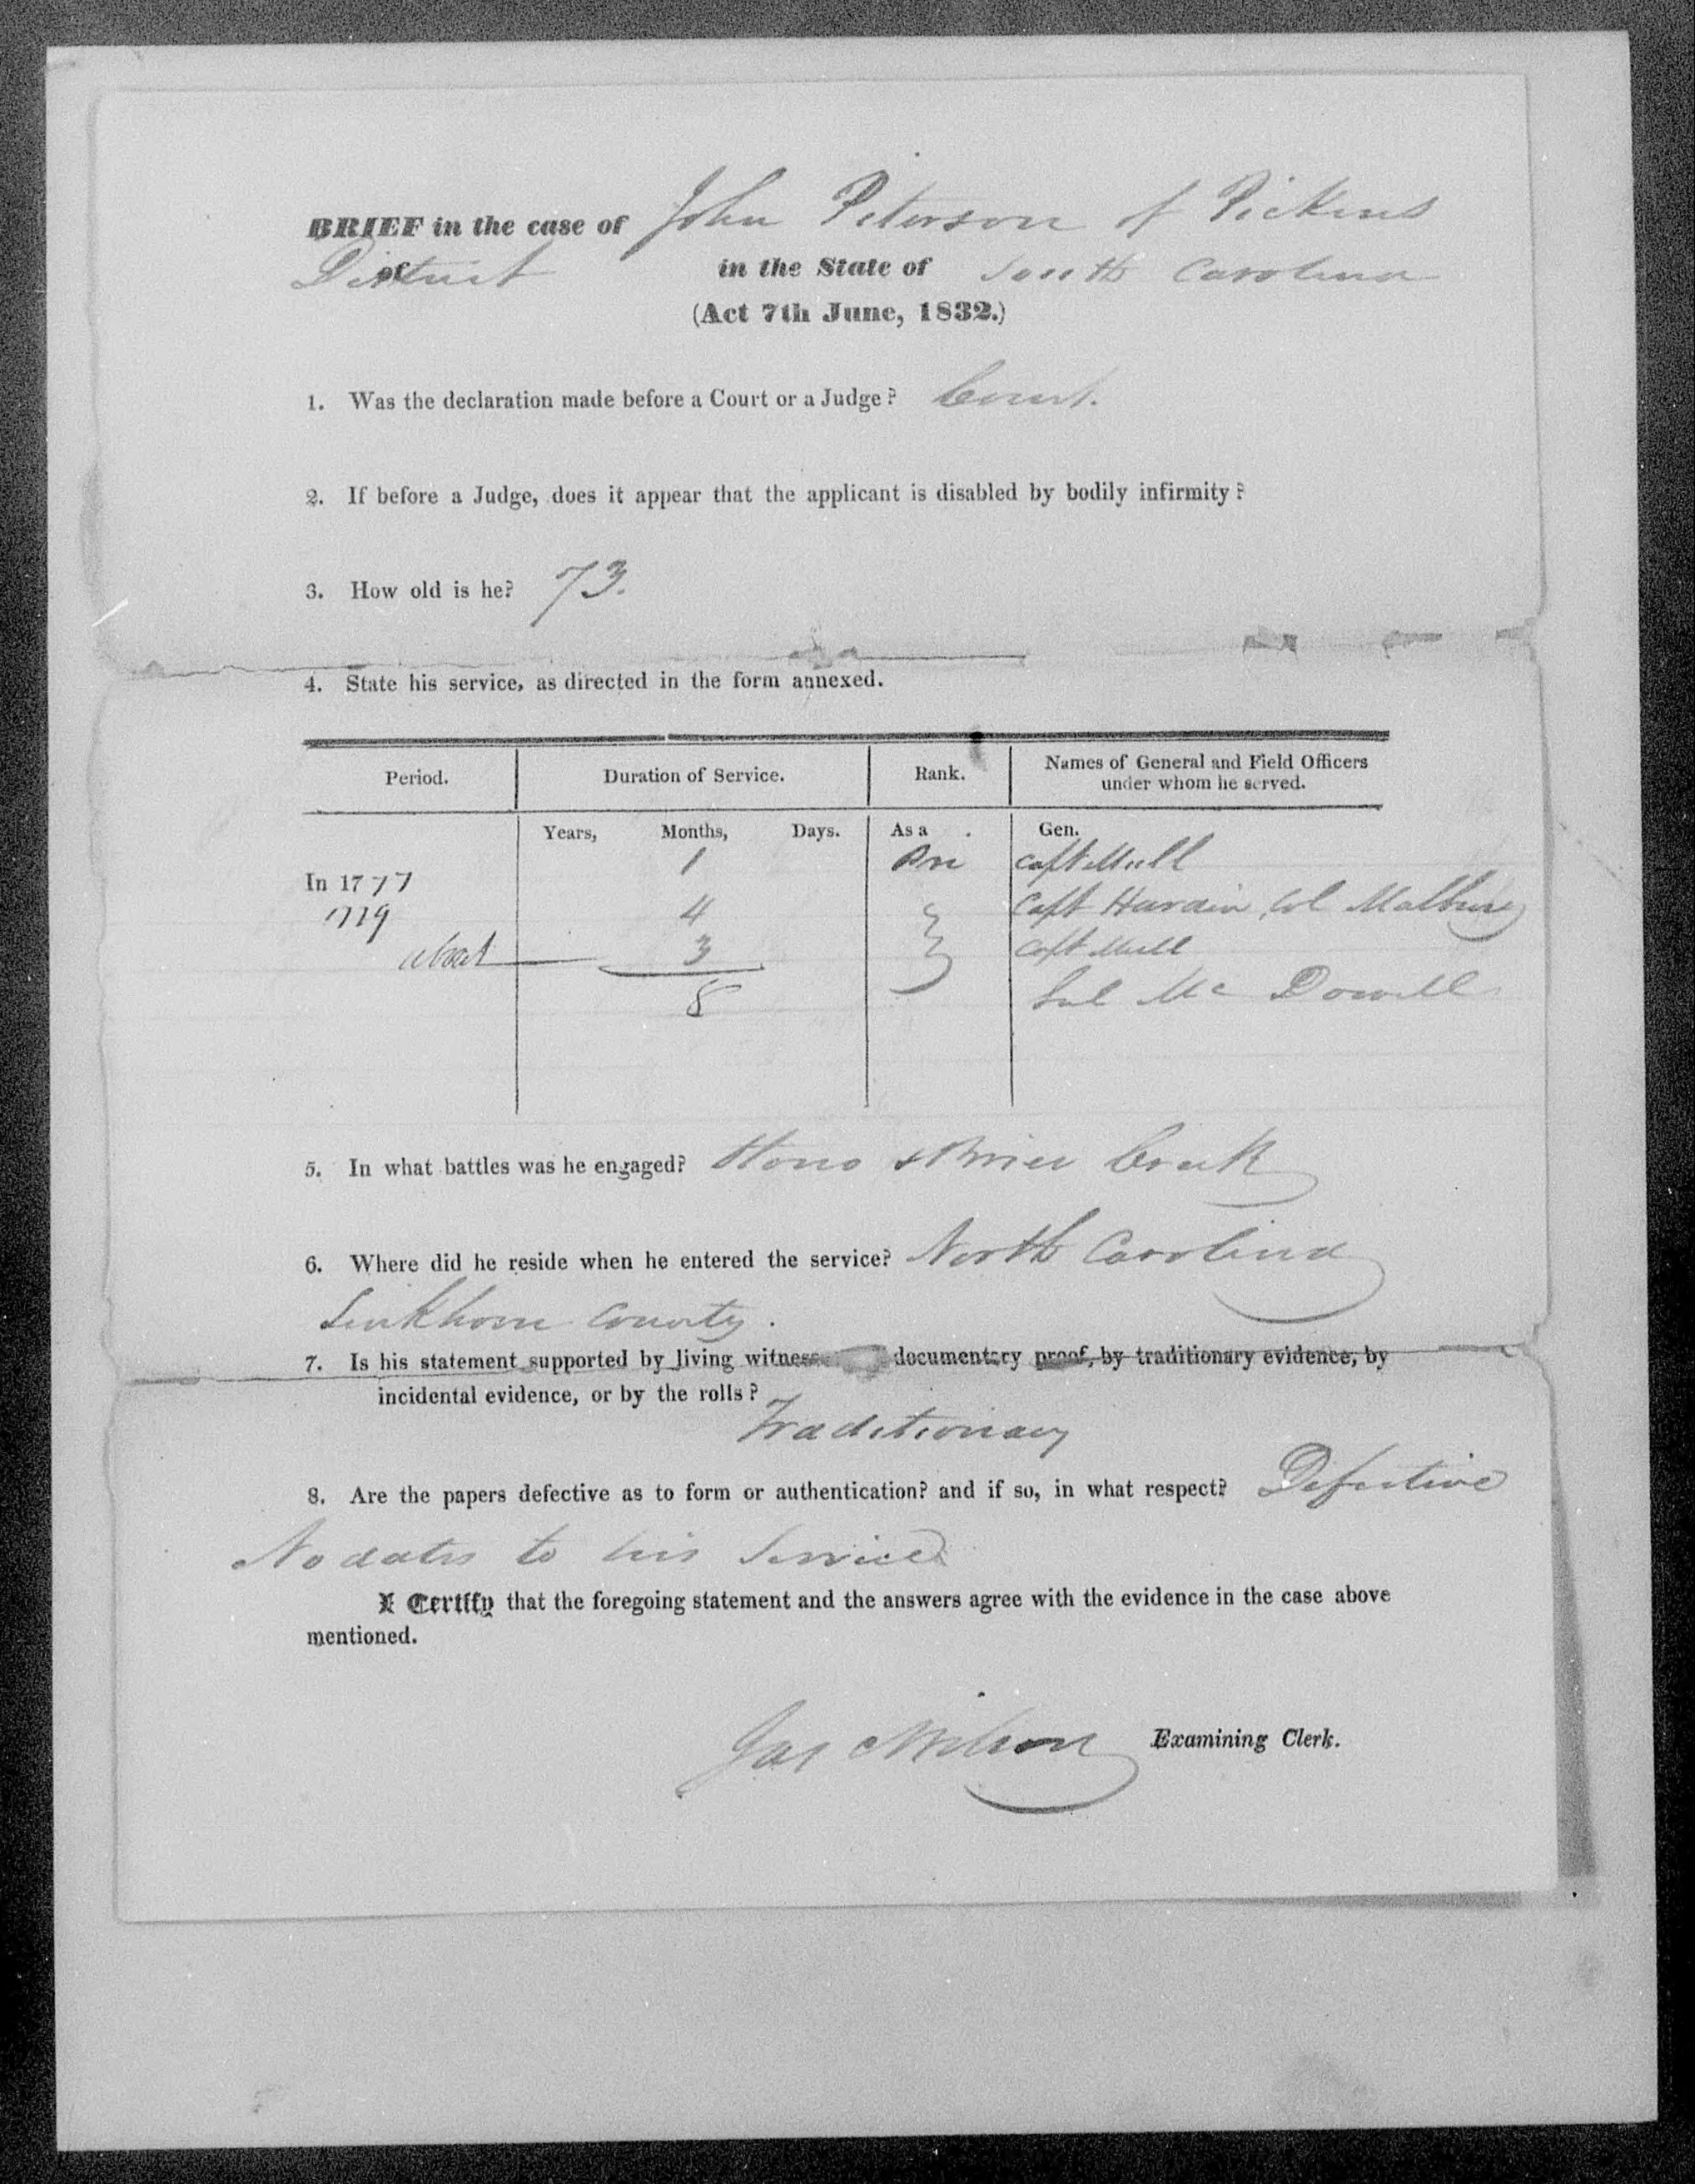Brief in the case of John Peterson of Pickens District in the State of South Carolina
(Act 7th June, 1832)
1.	Was the declaration made before a Court of a Judge? Court
2.	If before a Judge, does it appear that the applicant is disabled by bodily infirmity?
3.	How old is he?  73
4.	State his service, as directed in the form annexed.

Period. In 1777 1779 
Duration of Service. 1 mo - 4 mo - 3 mo / 8 months 
Rank. private 
Names of General and Field Officers under whom he served. Capt Mull, Capt Hardin, Col Malburg, Capt Mull, Let McDonald
5.	In what battles was he engaged? Stone River Creek
6.	Where did he reside when he entered the service? North Carolina, Linkhorn County
7.	Is his statement supported by living witnesses, by documentary proof, by traditionary evidence, by incidental evidence, or by the rolls? Traditionary
8.	Are the papers defective as to form or authentication? And if so, in what respect? Defective no dates to his service

*CERTIFY that the foregoing statement and the answers agree with the evidence in the case above mentioned.
Jon Wilson Examining Clerk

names: John Peterson; [BLANK] Hardin; [BLANK] Malburg; Jas Wilson; [BLANK] Mc Dowell; [BLANK] Mull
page: 4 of 13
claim: survivor's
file: S. 9,456, for John Peterson, North Carolina